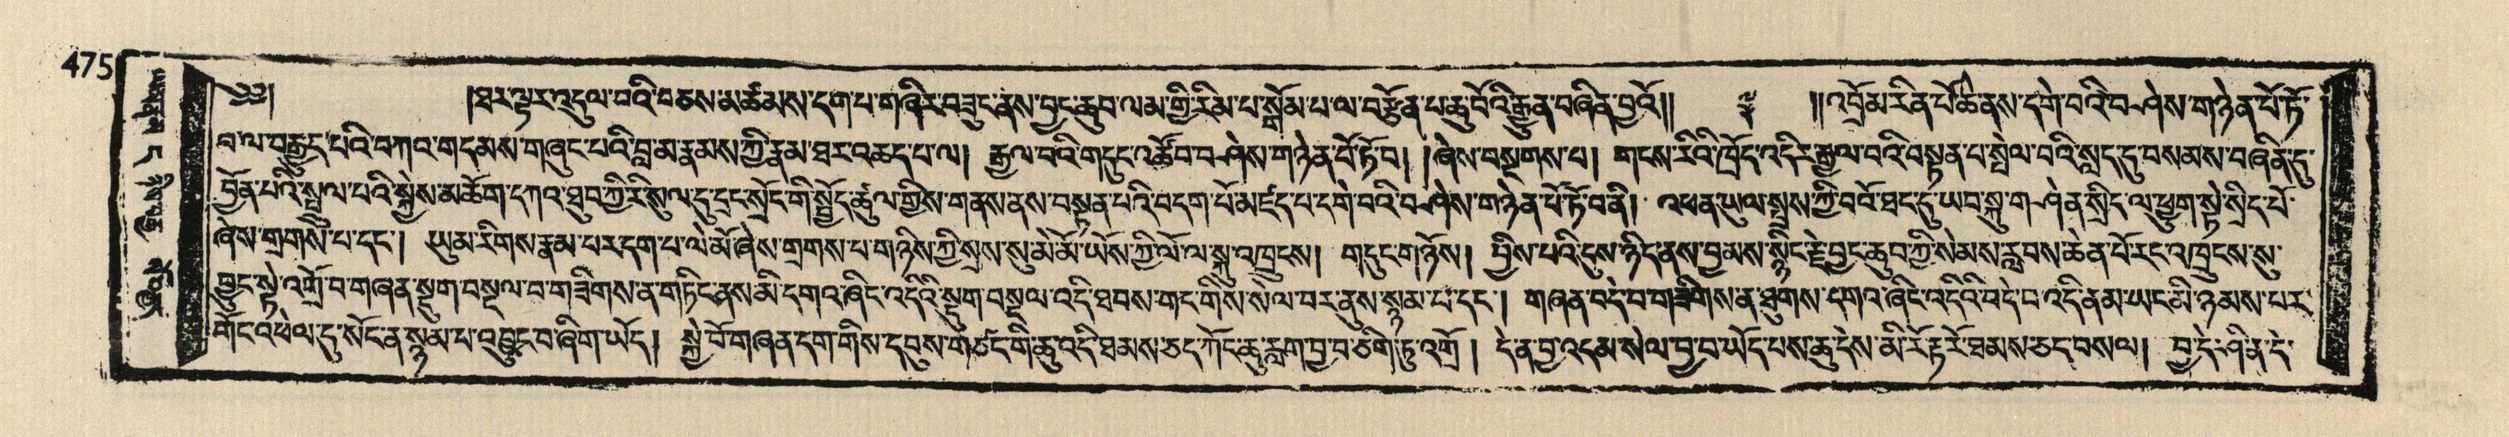༄༅། །ཐར་ལྟར་འདུལ་བའི་བཅས་མཚམས་དག་པ་གཞིར་བཟུང་ནས་བྱང་ཆུབ་ལམ་གྱི་རིམ་པ་སྒོམ་པ་ལ་བརྩོན་པ་ཆུ་བོའི་རྒྱུན་བཞིན་བྱའོ།། ༈ །།འབྲོམ་རིན་པོ་ཆེ་ནས་དགེ་བའི་བཤེས་གཉེན་པོ་ཏོ་
བ་ལ་བརྒྱུད་པའི་བཀའ་གདམས་གཞུང་པའི་བླ་མ་རྣམས་ཀྱི་རྣམ་ཐར་འཆད་པ་ལ། རྒྱལ་བའི་གདུང་འཚོ་བ་བཤེས་གཉེན་པོ་ཏོ་བ། །ཞེས་བསྔགས་པ། གངས་རིའི་ཁྲོད་འདིར་རྒྱལ་བའི་བསྟན་པ་སྤེལ་བའི་སླད་དུ་བསམས་བཞིན་དུ་
བྱོན་པའི་སྤྲུལ་པའི་སྐྱེས་མཆོག་དཀའ་ཐུབ་ཀྱི་རི་སུལ་དུ་དྲང་སྲོང་གི་སྦྱོད་ཚུལ་གྱིས་གནས་ནས་བསྟན་པའི་བདག་པོ་མཛད་པ་དགེ་བའི་བཤེས་གཉེན་པོ་ཏོ་བ་ནི། འཕན་ཡུལ་སྤྲས་ཀྱི་བའོ་ཐང་དུ་ཡབ་སྐུ་གཤེན་སྲིང་ལ་ཕྱུག་སྟེ་སྲིང་པོ་
ཞེས་གྲགས་པ་དང་། ཡུམ་རིགས་རྣམ་པར་དག་པ་ལེ་མོ་ཞེས་གྲགས་པ་གཉིས་ཀྱི་སྲས་སུ་མེ་མོ་ཡོས་ཀྱི་ལོ་ལ་སྐུ་འཁྲུངས། གདུང་གཉོས། བྱིས་པའི་དུས་ཉིད་ནས་བྱམས་སྙིང་རྗེ་བྱང་ཆུབ་ཀྱི་སེམས་རླབས་ཆེན་པོ་རང་འཁྲུངས་སུ་
བྱུང་སྟེ་འགྲོ་བ་གཞན་སྡུག་བསྔལ་བ་གཟིགས་ན་གཏིང་ནས་མི་དགའ་ཞིང་འདིའི་སྡུག་བསྔལ་འདི་ཐབས་གང་གིས་སེལ་བར་ནུས་སྙམ་པ་དང་། གཞན་བདེ་བ་གཟིགས་ན་ཐུགས་དགའ་ཞིང་འདིའི་བདེ་བ་འདི་ནམ་ཡང་མི་ཉམས་པར་
གོང་འཕེལ་དུ་སོང་ན་སྙམ་པ་འབྱུང་བ་ཞིག་ཡོད། སྐྱེ་བོ་གཞན་དག་གིས་དབུས་གཙང་གི་ཆུ་འདི་ཐམས་ཅད་ཀོང་ཆུ་རླག་བྱ་བ་ཅིག་ཏུ་འགྲོ། དེ་ན་བྱ་འདམ་སེལ་བྱ་བ་ཡོད་པས་ཆུ་དེས་མི་རོ་རྟ་ཏོ་ཐམས་ཅད་བསལ། བྱ་དེ་ཤིན་དེ་